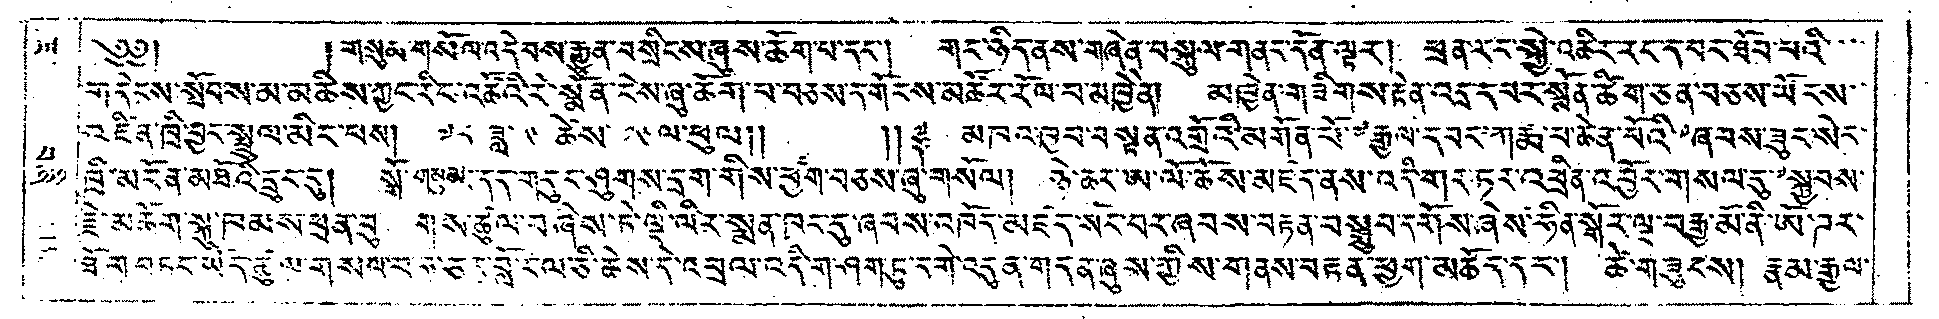༄༅། །གསུམ་གསོལ་འདེབས་རྒྱུན་བསྲིངས་ཞུས་ཆོག་པ་དང་། གང་ཉིད་ནས་གཞེན་བསྐུལ་གནང་དོན་ལྟར། ཕྲན་རང་སྐྱེ་འཆིར་རང་དབང་ཐོབ་པའི་
གདེངས་སྤོབས་མ་མཆིས་ཀྱང་རིང་འཚོའི་རེ་སྨོན་ངེས་ཞུ་ཆོག་པ་བཅས་དགོངས་མཚོར་རོལ་བ་མཁྱཻན། མཁྱེན་གཟིགས་རྟེན་འདྲ་དཔར་སྨོན་ཚིག་ཅན་བཅས་ཡོངས་
འཛིན་ཁྲི་བྱང་སྤྲུལ་མིང་པས། ༧༨་ཟླ ༤་ཚེས ༡༤་ལ་ཕུལ།། །། ༈ མཁའ་ཁྱབ་བསྟན་འགྲོའི་མགོན་པོ་༧རྒྱལ་དབང་ཀརྨ་པ་ཆེན་པོའི་༧ཞབས་ཟུང་སེང་
ཁྲི་མངོན་མཐོའི་དྲུང་དུ། སྒོ་གསུམ་དད་གདུང་ཤུགས་དྲག་གིས་ཕྱག་བཅས་ཞུ་གསོལ། ཉེ་ཆར་ཨ་ལོ་ཆོས་མཛད་ནས་འདི་གར་ཏར་འཕྲིན་འབྱོར་གསལ་དུ་༧སྐྱབས་
རྗེ་མཆོག་སྐུ་ཁམས་ཕྲན་བུ་གས་ཚུལ་བཞེས་ཏེ་ལྡི་ལིར་སྨན་ཁང་དུ་ཞབས་འཁོད་མཛད་སོང་བར་ཞབས་བརྟན་བསྒྲུབ་དགོས་ཞེས་ཧིན་སྒོར་ལྔ་བརྒྱ་མོ་ནི་ཨོ་ཌར་
ཐོག་བཏང་ཡོད་ཚུལ་གསལ་བ་ཧ་ཅང་བློ་ངལ་ཅི་ཆེས་དེ་འཕྲལ་འདི་ག་ཤག་ཏུ་དགེ་འདུན་གདན་ཞུས་ཀྱིས་གནས་བརྟན་ཕྱག་མཆོད་དང་། ཚེ་གཟུངས། རྣམ་རྒྱལ་